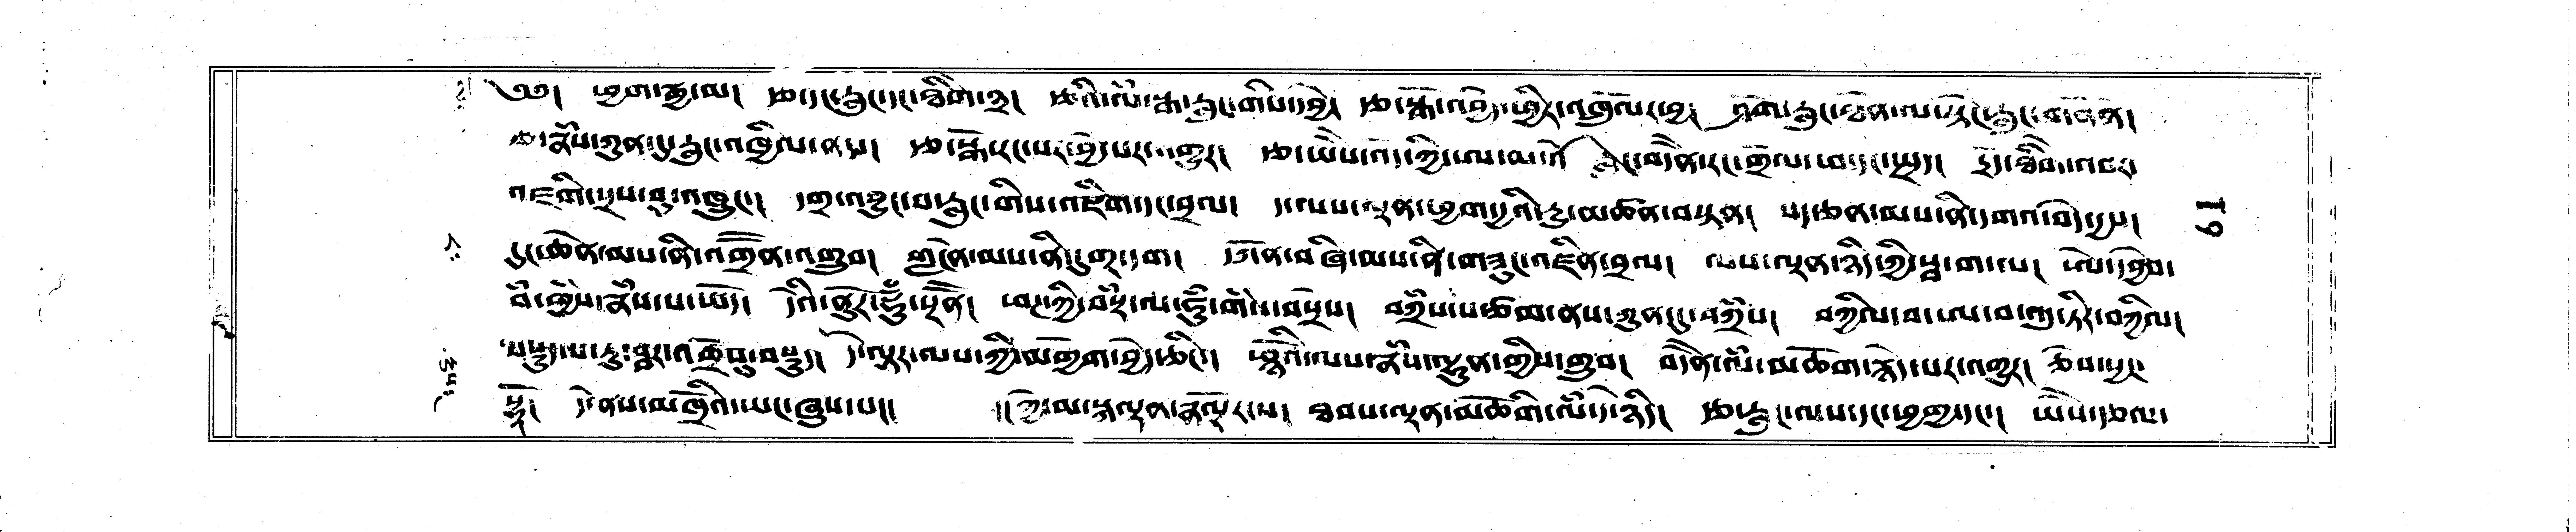ཕྱག་རྒྱ་མ། རྩ་དང་རླུང་དང་ཐིག་ལེ་གསུམ། རྩའི་ལམ་སྒོ་རླུང་གིས་དབྱེ། རྩ་སྒོ་འབྱེད་ཕྱིར་འཁྲུལ་འཁོར་བྱ། འོག་རླུང་འཐེན་ལ་སྟེང་རླུང་གནོན། 
རྩ་རྣམས་ཀུན་ཏུ་རླུང་འཁྱིལ་ནས། རྩ་སྒོ་རང་སར་ཕྱེ་བར་འགྱུར། རྩ་ཡེ་ཤེས་འོད་ཀྱི་ཨ་མ་འོ། རླུང་བདེ་ཆེན་རང་གྲོལ་ཕ་དང་སྤྲད། དྲོད་ཐིག་ལེ་འབར་
འཛག་གི་སྲས་སུ་འཁྲུངས། དགྲ་འབྱུང་བ་རླུང་གིས་འཇིག་དང་བྲལ། ད་ལས་ལྡན་ཕྱག་རྒྱའི་རྒྱུ་མཚན་བསྟན། པད་ཅན་མས་ནི་དགའ་བདེ་རྒྱས། 
དུང་ཆེན་མས་འགྲོ་དོན་འགྲུབ། གླང་ཆེན་མས་ནི་དུག་ལྔ་དག དཀོན་བཞི་ལས་ནི་གཟུང་འཛིན་བྲལ། ལས་ལྡན་ཉིད་ཀྱི་སྦ་ག་ལ། ཨེ་དབྱེས་
བམ་གྱིས་རྣམ་པ་ཡོད། དེའི་ནོར་བུ་ཧཱུཾ་སྔོན་པོ། ཕཊ་ཀྱིས་བསྡམས་ལ་ཧཱུཾ་གིས་བསྲེས། བཀྲམ་པ་ཙམ་ནས་ཀུན་ཏུ་བཀྲམ། བཀྱིལ་བ་ཨ་བུ་འདུ་ཏིར་བཀྱིལ། 
བསྡུད་པ་རུས་སྦལ་འགྲོས་སུ་བསྡུད། དེ་ལྟར་ལས་ཀྱི་མགྱོགས་བྱེད་ཅིང་། ཕོ་ཉའི་ལས་རྣམས་ལྷུན་གྱིས་གྲུབ། བདེ་ཆེན་ལམ་མཆོག་རྙེད་པར་འགྱུར། ཅེས་གསུངས་
སོ། དེ་ནས་མཁའ་འགྲོའི་ཡང་ཞུས་པ། ཀྱེ་མ་སྐལ་ལྡན་རྣལ་འབྱོར་བ། ཐབས་ལྡན་མཆོག་གི་ལམ་དེ་ཉིད། རྩ་རླུང་ལས་དང་ཕྱག་རྒྱ་དང་། ཡེ་ཤེས་རྩལ་